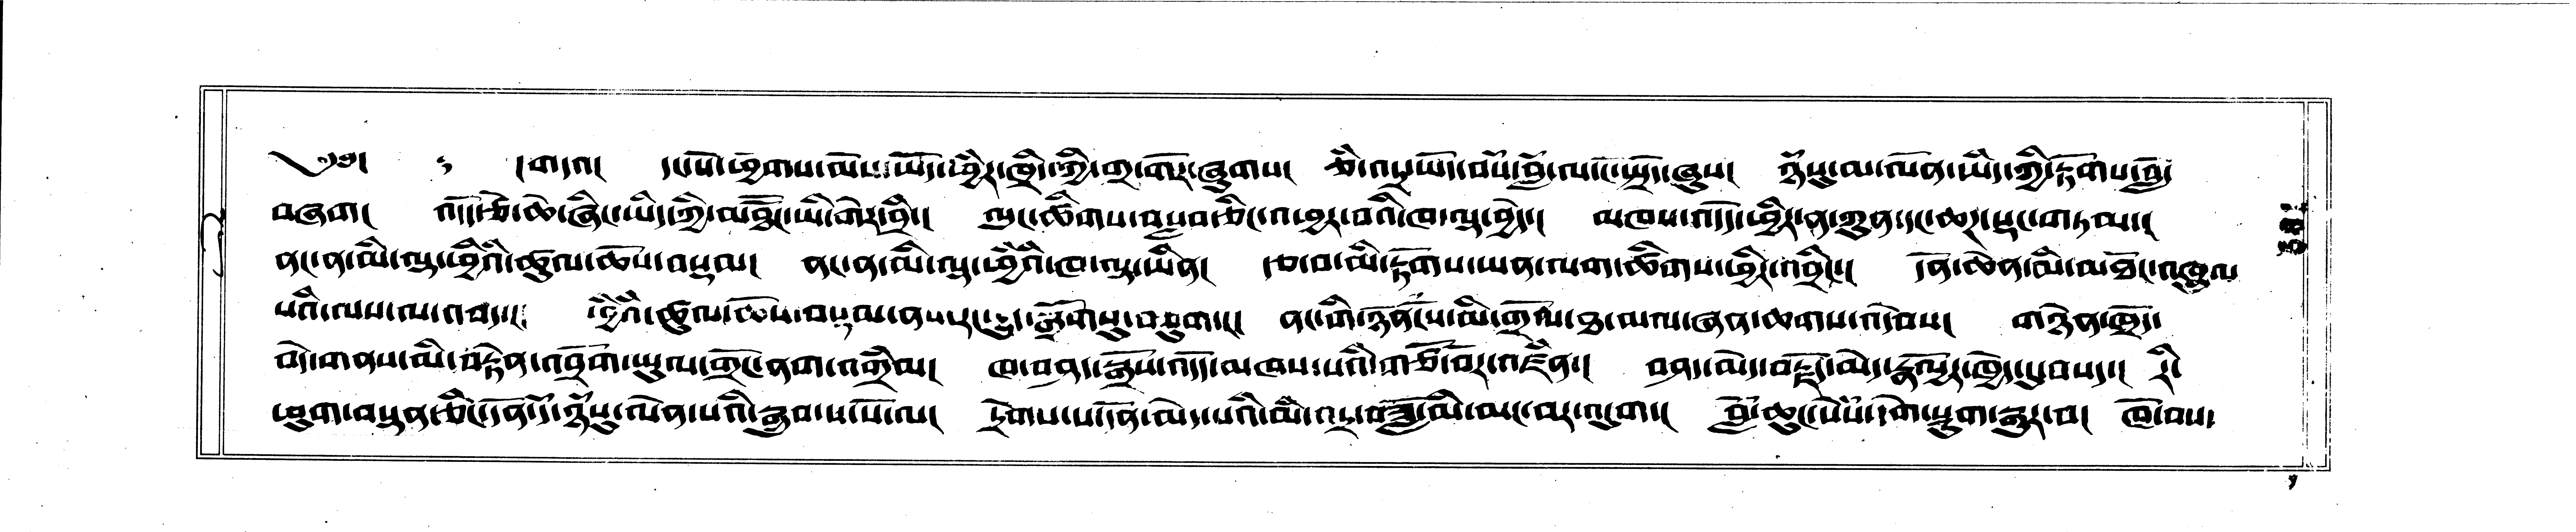་”མང་བར”འདུག དང་པོ་ཕྱོགས་མོས་ཡོད་ཕྱིར་ཁྲིད་ཀྱིས་གྲ་སྒོར་ཞུག ཅི་འདྲ་ཡོད་བསམ་བླ་མ་ལ་ངོ་སྤྲོད་ཞུ། ཉམས་སུ་མི་ལེན་ཡིད་ཀྱིས་རྟོག་བློ་
བཞག། འདོད་སྲེག་ཆེ་ཞིང་མཐོང་མཐོང་ཡི་གེར་བྲི། ལུང་ཚིག་བསླབ་ཅིང་འཆལ་བའི་ཁ་ལྟ་བྱེད། མཁས་འདོད་ཕྱིར་ན་གཞན་དང་ཆགས་སྡང་གཏམ། 
ནང་ན་མི་ལྟ་ཕྱི་ན་དབང་ཡོད་ལེན། རྩ་བ་མི་རྟོགས་ཡན་ལགས་ཚིག་ཕྱིར་འབྲིང་། དོན་ཆེན་མ་མཐོང་འཁྲུལ་
བའི་ལས་ལ་འབད། ཕྱིའི་ཚུལ་ཆོས་ཞིག་ནས་རང་རྒྱུད་སྒྲོགས་སུ་བཅུག ནང་གི་ཉོན་མོངས་མ་གྲོལ་ཐ་མ་ཞེན་ཆགས་བརྟེན་”འདེབས”། གཉེན་ཁྲོད་
བདེ་གནས་མི་བརྟེན་འབྲོག་ཡུལ་གྲོང་ནག་འགྲིམ། ཁ་བཤད་སྒྲོས་འདོག་མཁན་ལ་གཙོ་བོ་འཛིན། བཤད་མེད་བརྗོད་མེད་ཁྱེད་༼ཁྱད༽པར་ངང་དུ་གསོད། རི་
ཕུག་བརྟེན་ཞིང་ཉམས་སུ་ལེན་པའི་སྒྲུབས་པ་པོ་ལ། དྲེད་པོ་དོན་མེད་ཁ་ལྟས་ཟློས། བློ་ཆུང་སེམས་དགེ་སྡུག་བསྒུར་ཁོ་བས་